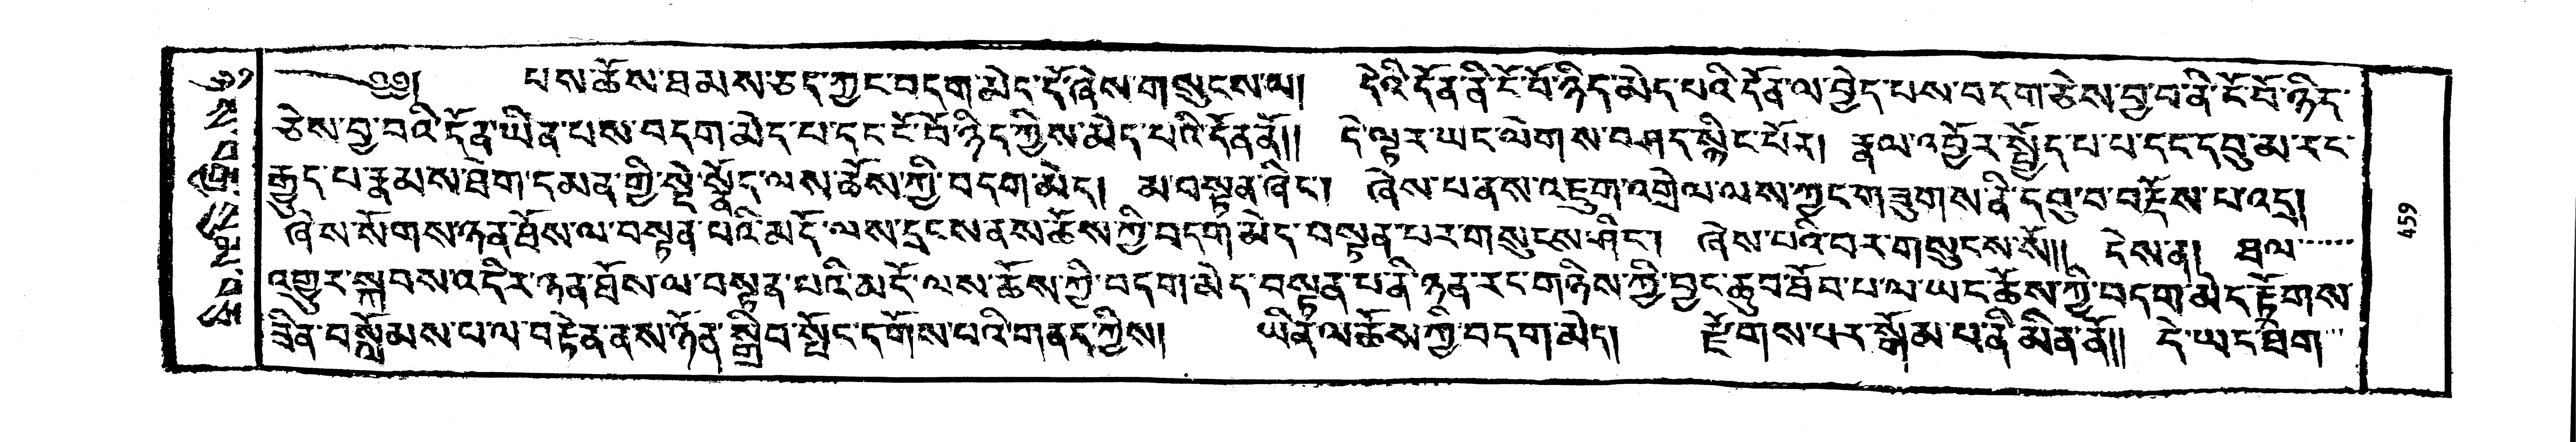༄༅། །པས་ཆོས་ཐམས་ཅད་ཀྱང་བདག་མེད་དོ་ཞེས་གསུངས་ལ། དེའི་དོན་ནི་ངོ་བོ་ཉིད་མེད་པའི་དོན་ལ་བྱེད་པས་བདག་ཅེས་བྱ་བ་ནི་ངོ་བོ་ཉིད་
ཅེས་བྱ་བའི་དོན་ཡིན་པས་བདག་མེད་པ་དང་ངོ་བོ་ཉིད་ཀྱིས་མེད་པའི་དོན་ནོ། །དེ་ལྟར་ཡང་ལེགས་བཤད་སྙིང་པོར། རྣལ་འབྱོར་སྤྱོད་པ་པ་དང་དབུ་མ་རང་
རྒྱུད་པ་རྣམས་ཐེག་དམན་གྱི་སྡེ་སྣོད་ལས་ཆོས་ཀྱི་བདག་མེད། མ་བསྟན་ཞིང་། ཞེས་པ་ནས་འཇུག་འགྲེལ་ལས་ཀྱང་གཟུགས་ནི་དབུ་བ་བརྡོས་པ་འདྲ།
ཞེས་སོགས་ཉན་ཐོས་ལ་བསྟན་པའི་མདོ་ལས་དྲངས་ནས་ཆོས་ཀྱི་བདག་མེད་བསྟན་པར་གསུངས་ཤིང་། ཞེས་པའི་བར་གསུངས་སོ། །དེས་ན། ཐལ་
འགྱུར་སྐབས་འདིར་ཉན་ཐོས་ལ་བསྟན་པའི་མདོ་ལས་ཆོས་ཀྱི་བདག་མེད་བསྟན་པ་ནི་ཉན་རང་གཉིས་ཀྱི་བྱང་ཆུབ་ཐོབ་པ་ལ་ཡང་ཆོས་ཀྱི་བདག་མེད་རྟོགས་
ཟིན་བསློམས་པ་ལ་བརྟེན་ནས་ཉོན་སྒྲིབ་སྤོང་དགོས་པའི་གནད་ཀྱིས། ཡིན་ལ་ཆོས་ཀྱི་བདག་མེད། རྫོགས་པར་སྒོམ་པ་ནི་མིན་ནོ། །དེ་ཡང་ཐེག་